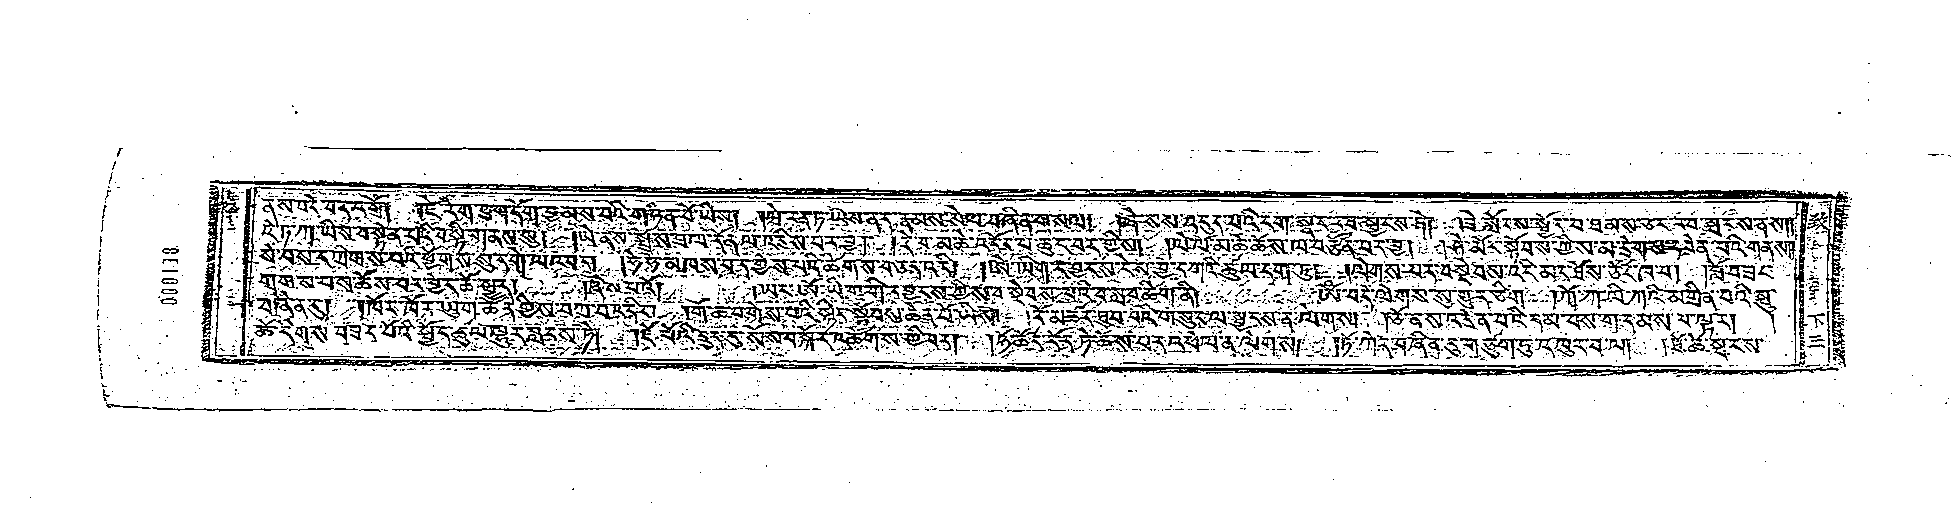ནས་བདེ་བར་འགྲོ། །ཛེ་རེག་ཕྲག་དོག་བྱམས་བའི་གཉིན་བོ་ཡིས། །ཝེ་རན་ཏ་ཡིས་ནད་རྣམས་སེལ་བཞིན་གསལ། །ཞེས་སས་འདུད་པའི་ངག་སྣང་ར་སྦྱངས་ཏེ། །ཟེ་སློངས་སྤྱོད་པ་ཐམས་ཅད་རབ་སྦངས་ནས།།
འེ་ཏ་ཀ་ཡིས་བསྟེན་པའི་བསྟི་གནས་སུ། །ཡེ་ནས་སྤྲོས་བྲལ་དོན་ལ་འདྲིས་པར་བྱ། །རེ་བ་མ་ཆེ་འདོད་པ་ཆུང་བར་གྱིས། །ལེ་ལོ་མ་ཆེ་ཆོས་ལ་བརྩོན་བར་བྱ། །ཤེ་མོང་སྟོབས་ཀྱིས་མ་དྲེགས་དབེན་བའི་གནས། །
སེ་བས་དཀྲིགས་བའི་ཕྱོགས་སུ་དགེ་ལ་འབད། །ཧེ་ཧེ་མཁས་བ་དགྱེས་པའི་ཚེགས་བཅད་འདི། །ཨེ་ཡིག་དབྱངས་ངེས་བྱ་དཀའི་ཚུལ་དག་ཏུ། །ལེགས་པར་བསྡེབས་འདི་མང་ཐོས་ཙོང་ཁ་བ། །བློ་བཟང་
གྲགས་པས་ཆོས་བར་བྱེད་ཚེ་སྦྱར། །ཞེས་པའོ། །ཡང་ཨོ་ཡིག་གི་དབྱངས་ཀྱིས་བསྡེབས་པའི་བ་སླབ་ཚིག་ནི། ཨོཾ་བདེ་ལེགས་སུ་གྱུར་ཅིག །ཀོ་ཀ་ལི་ཀའི་མགྲིན་བའི་སླུ་
བཞེན་དུ། །ཁོར་ཁོར་ཡུག་ཚོན་གྱིས་བཀྲ་བ་འདིར། །གོ་ཆ་བགོས་པའི་སྙིང་སྟོབས་ཆེན་པོ་ཡེས། །ངོ་མཚར་ཐུབ་པའི་གསུང་ལ་སྦྱངས་ན་ལེགས། །ཅོ་ནས་འདྲེན་པའི་དམ་བས་གདམས་པ་ལྟར། །
ཚེ་དིགས་བཟང་པོའི་སྤྱོད་ཚུལ་ལྷུར་བླངས་ཏེ། །ཇོ་བོའི་དྲུང་དུ་སོས་བསྐོར་འཚོགས་ཀྱི་བར། །ཉོ་ཚེ་དོ་དོར་ཏེ་ཆོས་པར་འཕེལ་ན་ལེགས། །ཏོ་ཀེར་བཞིན་དུ་གཙུག་ཏུ་འཁུར་བ་ལ། །ཐོ་ཚེ་སྦངས་